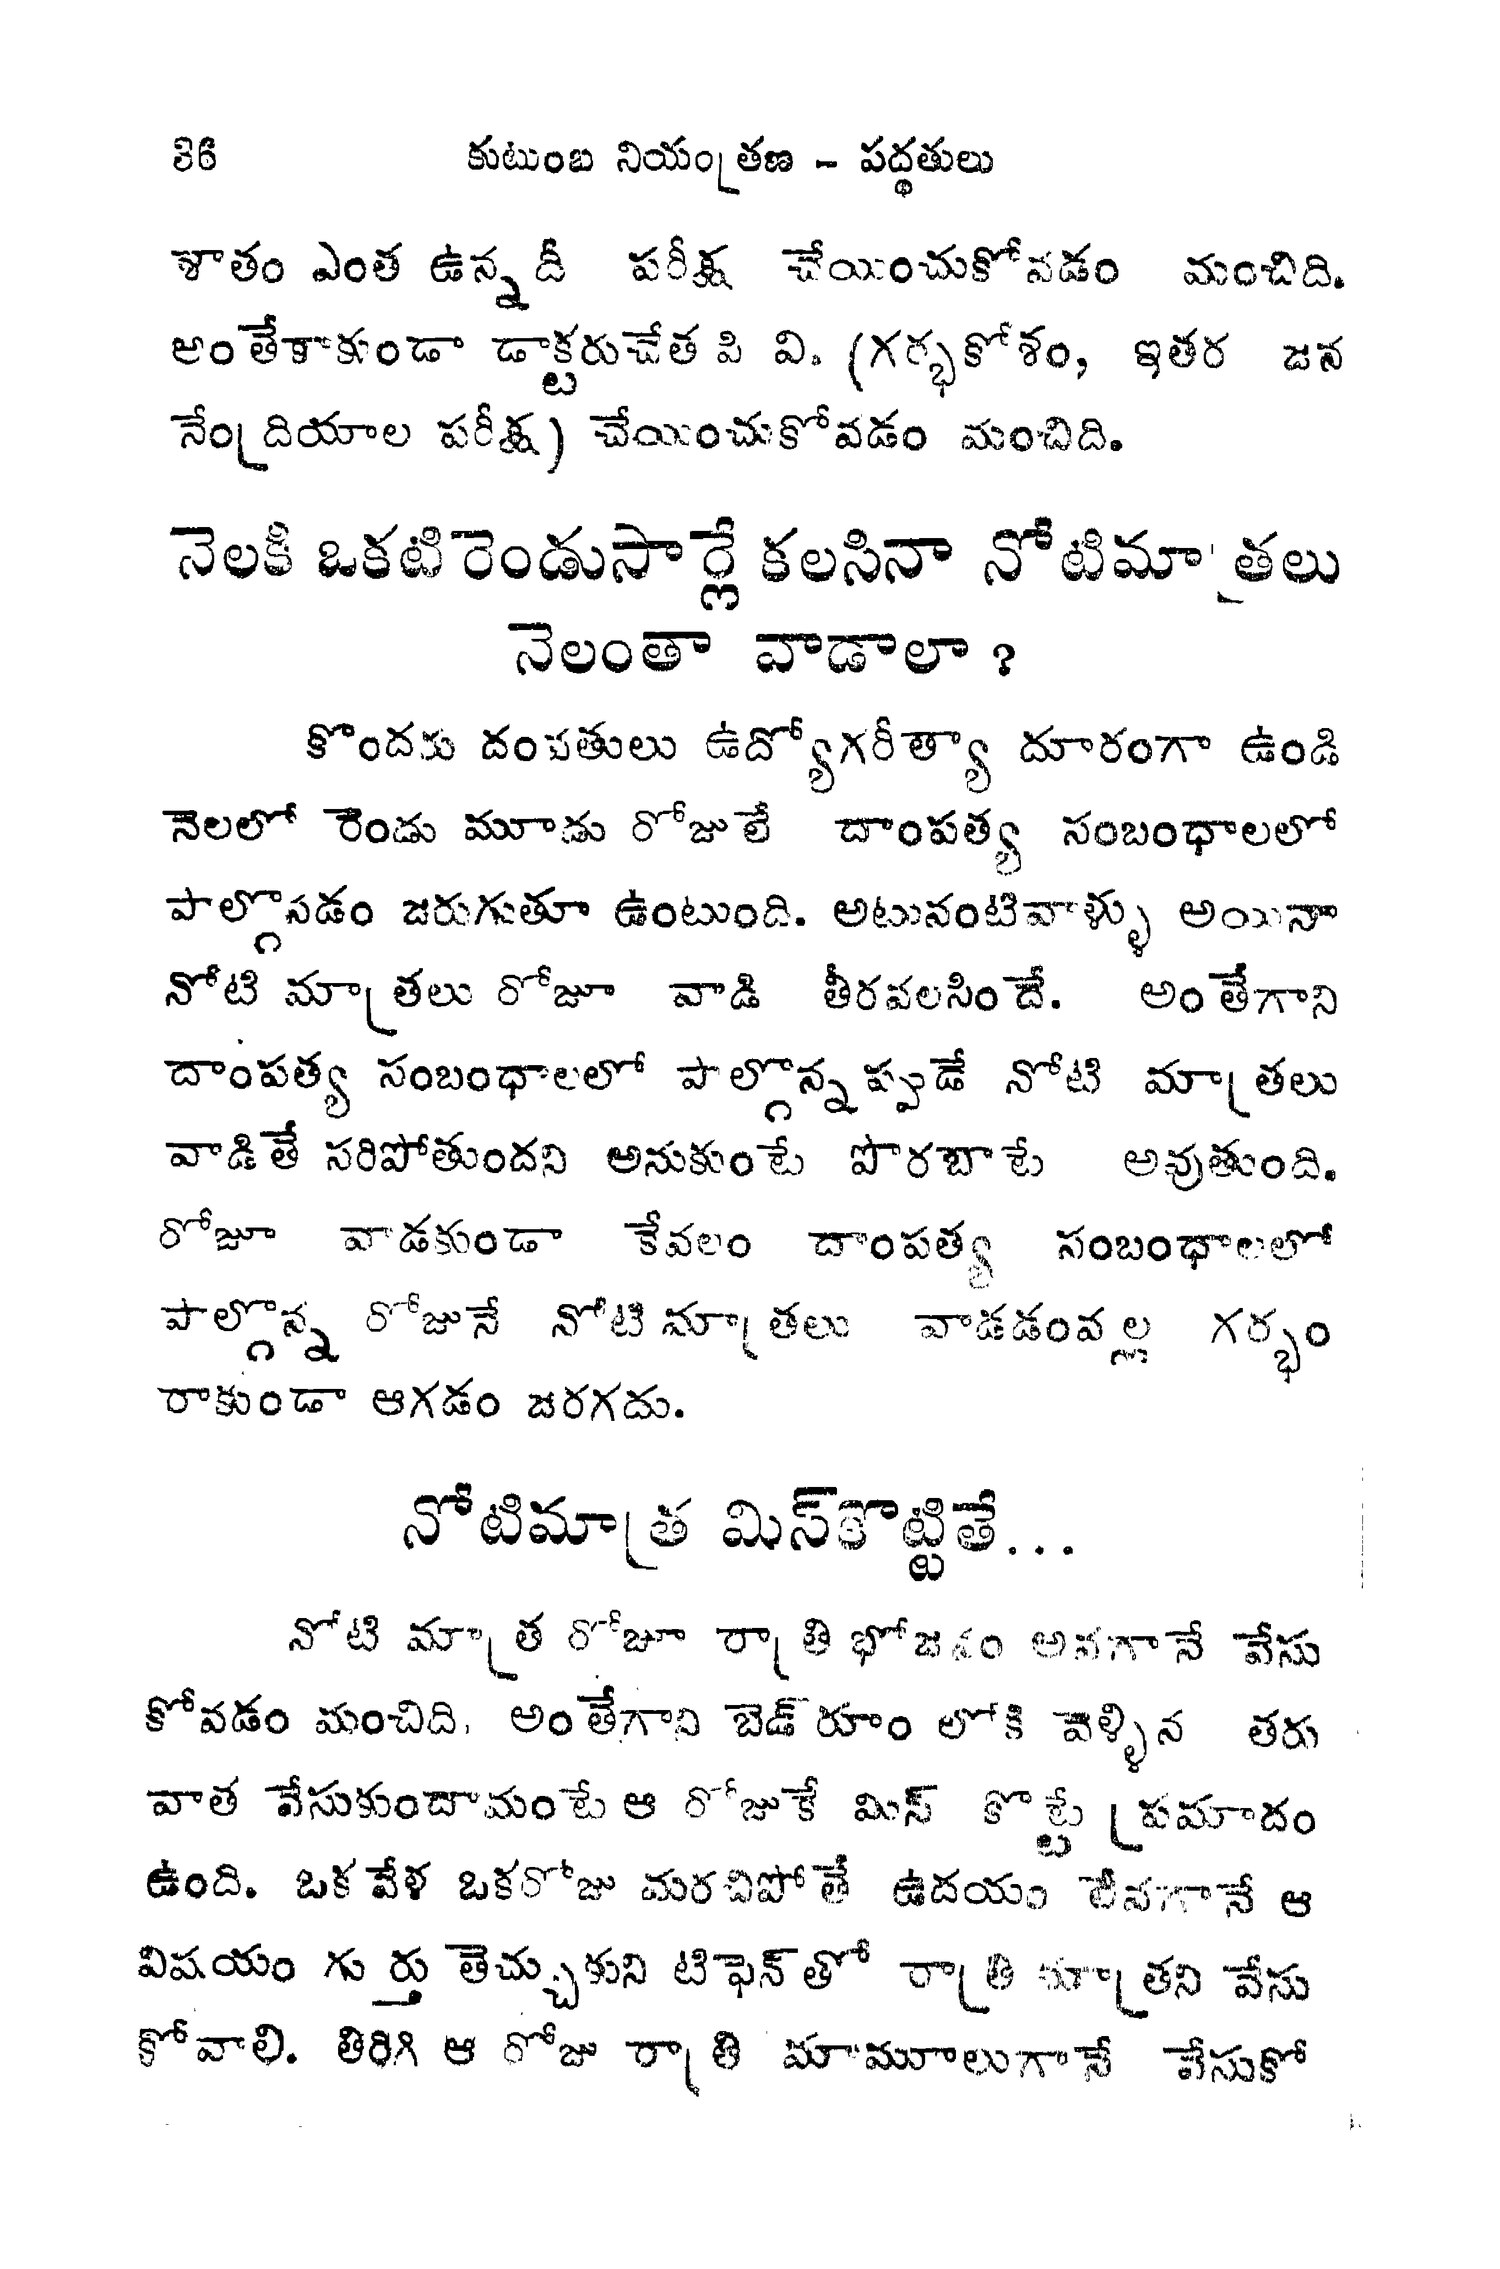శాతం ఎంత ఉన్నదీ పరీక్ష చేయించుకోవడం మంచిది. అంతేకాకుండా డాక్టరుచేత పి. వి (గర్భకోశం, ఇతర జన నేంద్రియాల పరీక్ష) చేయించుకోవడం మంచిది.

కొందరు దంపతులు ఉద్యోగరీత్యా దూరంగా ఉండి నెలలో రెండు మూడు రోజులే దాంపత్య సంబంధాలలొ పాల్గొనడం జరుగుతూ ఉంటుంది. అటువంటివాళ్ళు అయినా నోటి మాత్రలు రోజూ వాడి తీరవలసిందే. అంతేకాని దాంపత్య సంబంధాలలో పాల్గొన్నప్పుడే నోటి మాత్రలు వాడితే సరిపొతుందని అనుకుంటే పొరబాటే అవుతుంది. రోజూ వాడకుండా కేవలం దాంపత్య సంబంధాలలో పాల్గొన్న రోజునే నోటిమాత్రలు వాడడంవల్ల గర్బం రాకుండా ఆగడం జరగదు.

నోటి మాత్ర రోజూ రాత్రి భోజనం అవగానే వేసుకోవడం మంచిది. అంతేగాని బెడ్ రూం లోకి వెళ్ళిన తరువాత వేసుకుందామంటే ఆ రోజుకే మిస్ కొట్టే ప్రమాదం ఉంది. ఒకవేల ఒకరోజు మరచిపోతే ఉదయం లేవగానే ఆ విషయం గుర్తు తెచ్చుకుని టిఫెన్‌తో రాత్రి మాత్రని వేసుకోవాలి. తిరిగి ఆ రోజు రాత్రి మామూలుగానే వేసుకో